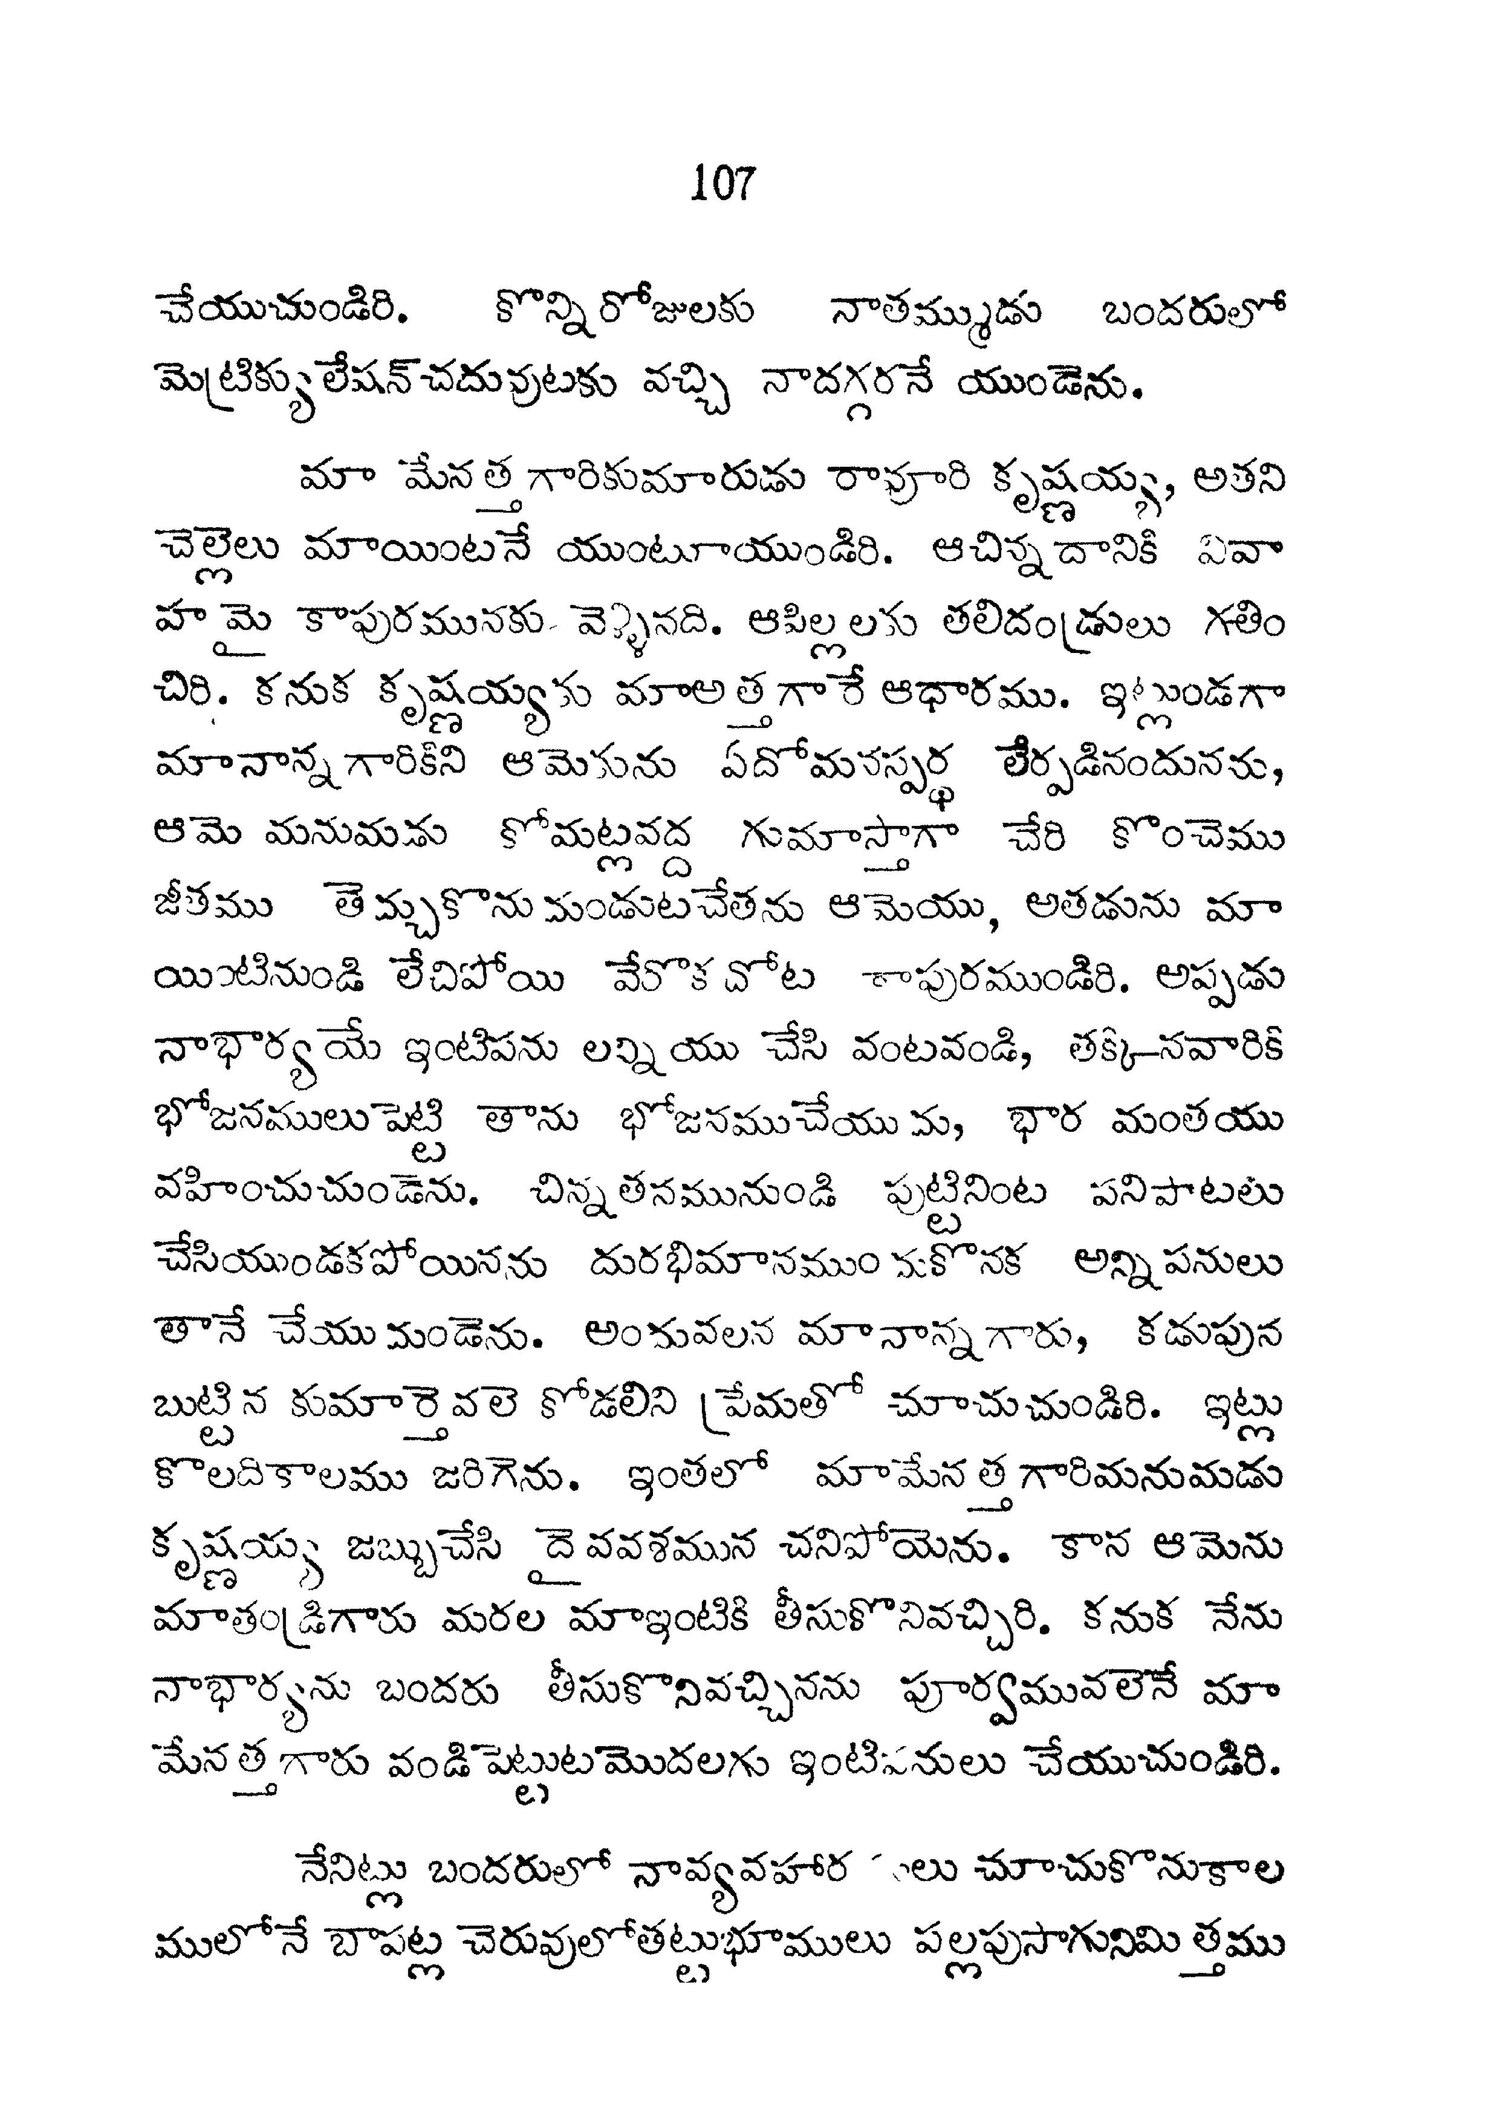చేయుచుండిరి. కొన్నిరోజులకు నాతమ్ముడు బందరులో మెట్రిక్యులేషన్‌చదువుటకు వచ్చి నాదగ్గరనే యుండెను.

మా మేనత్తగారికుమారుడు రావూరి కృష్ణయ్య, అతని చెల్లెలు మాయింటనే యుంటూయుండిరి. ఆ చిన్నదానికి వివాహమై కాపురమునకు వెళ్ళినది. ఆపిల్లలకు తలిదండ్రులు గతించిరి. కనుక కృష్ణయ్యకు మాఅత్తగారే ఆధారము. ఇట్లుండగా మానాన్నగారికిని ఆమెకును ఏదోమనస్పర్థ లేర్పడినందునను, ఆమె మనుమడు కోమట్లవద్ద గుమాస్తాగా చేరి కొంచెము జీతము తెచ్చుకొనుచుండుటచేతను ఆమెయు, అతడును మాయింటినుండి లేచిపోయి వేరొకచోట కాపురముండిరి. అప్పుడు నాభార్యయే ఇంటిపను లన్నియు చేసి వంటవండి, తక్కినవారికి భోజనములుపెట్టి తాను భోజనముచేయుచు, భార మంతయు వహించుచుండెను. చిన్నతనమునుండి పుట్టినింట పనిపాటలు చేసియుండకపోయినను దురభిమానముందుకొనక అన్నిపనులు తానే చేయుచుండెను. అందువలన మానాన్నగారు, కడుపున బుట్టిన కుమార్తెవలె కోడలిని ప్రేమతో చూచుచుండిరి. ఇట్లు కొలదికాలము జరిగెను. ఇంతలో మామేనత్తగారి మనుమడు కృష్ణయ్య జబ్బుచేసి దైవవశమున చనిపోయెను. కాన ఆమెను మాతండ్రిగారు మరల మాఇంటికి తీసుకొనివచ్చిరి. కనుక నేను నాభార్యను బందరు తీసుకొనివచ్చినను పూర్వమువలెనే మా మేనత్తగారు వండిపెట్టుటమొదలగు ఇంటిపనులు చేయుచుండిరి.

నేనిట్లు బందరులో నావ్యవహారములు చూచుకొనుకాలములోనే బాపట్ల చెరువులోతట్టుభూములు పల్లపుసాగునిమిత్తము